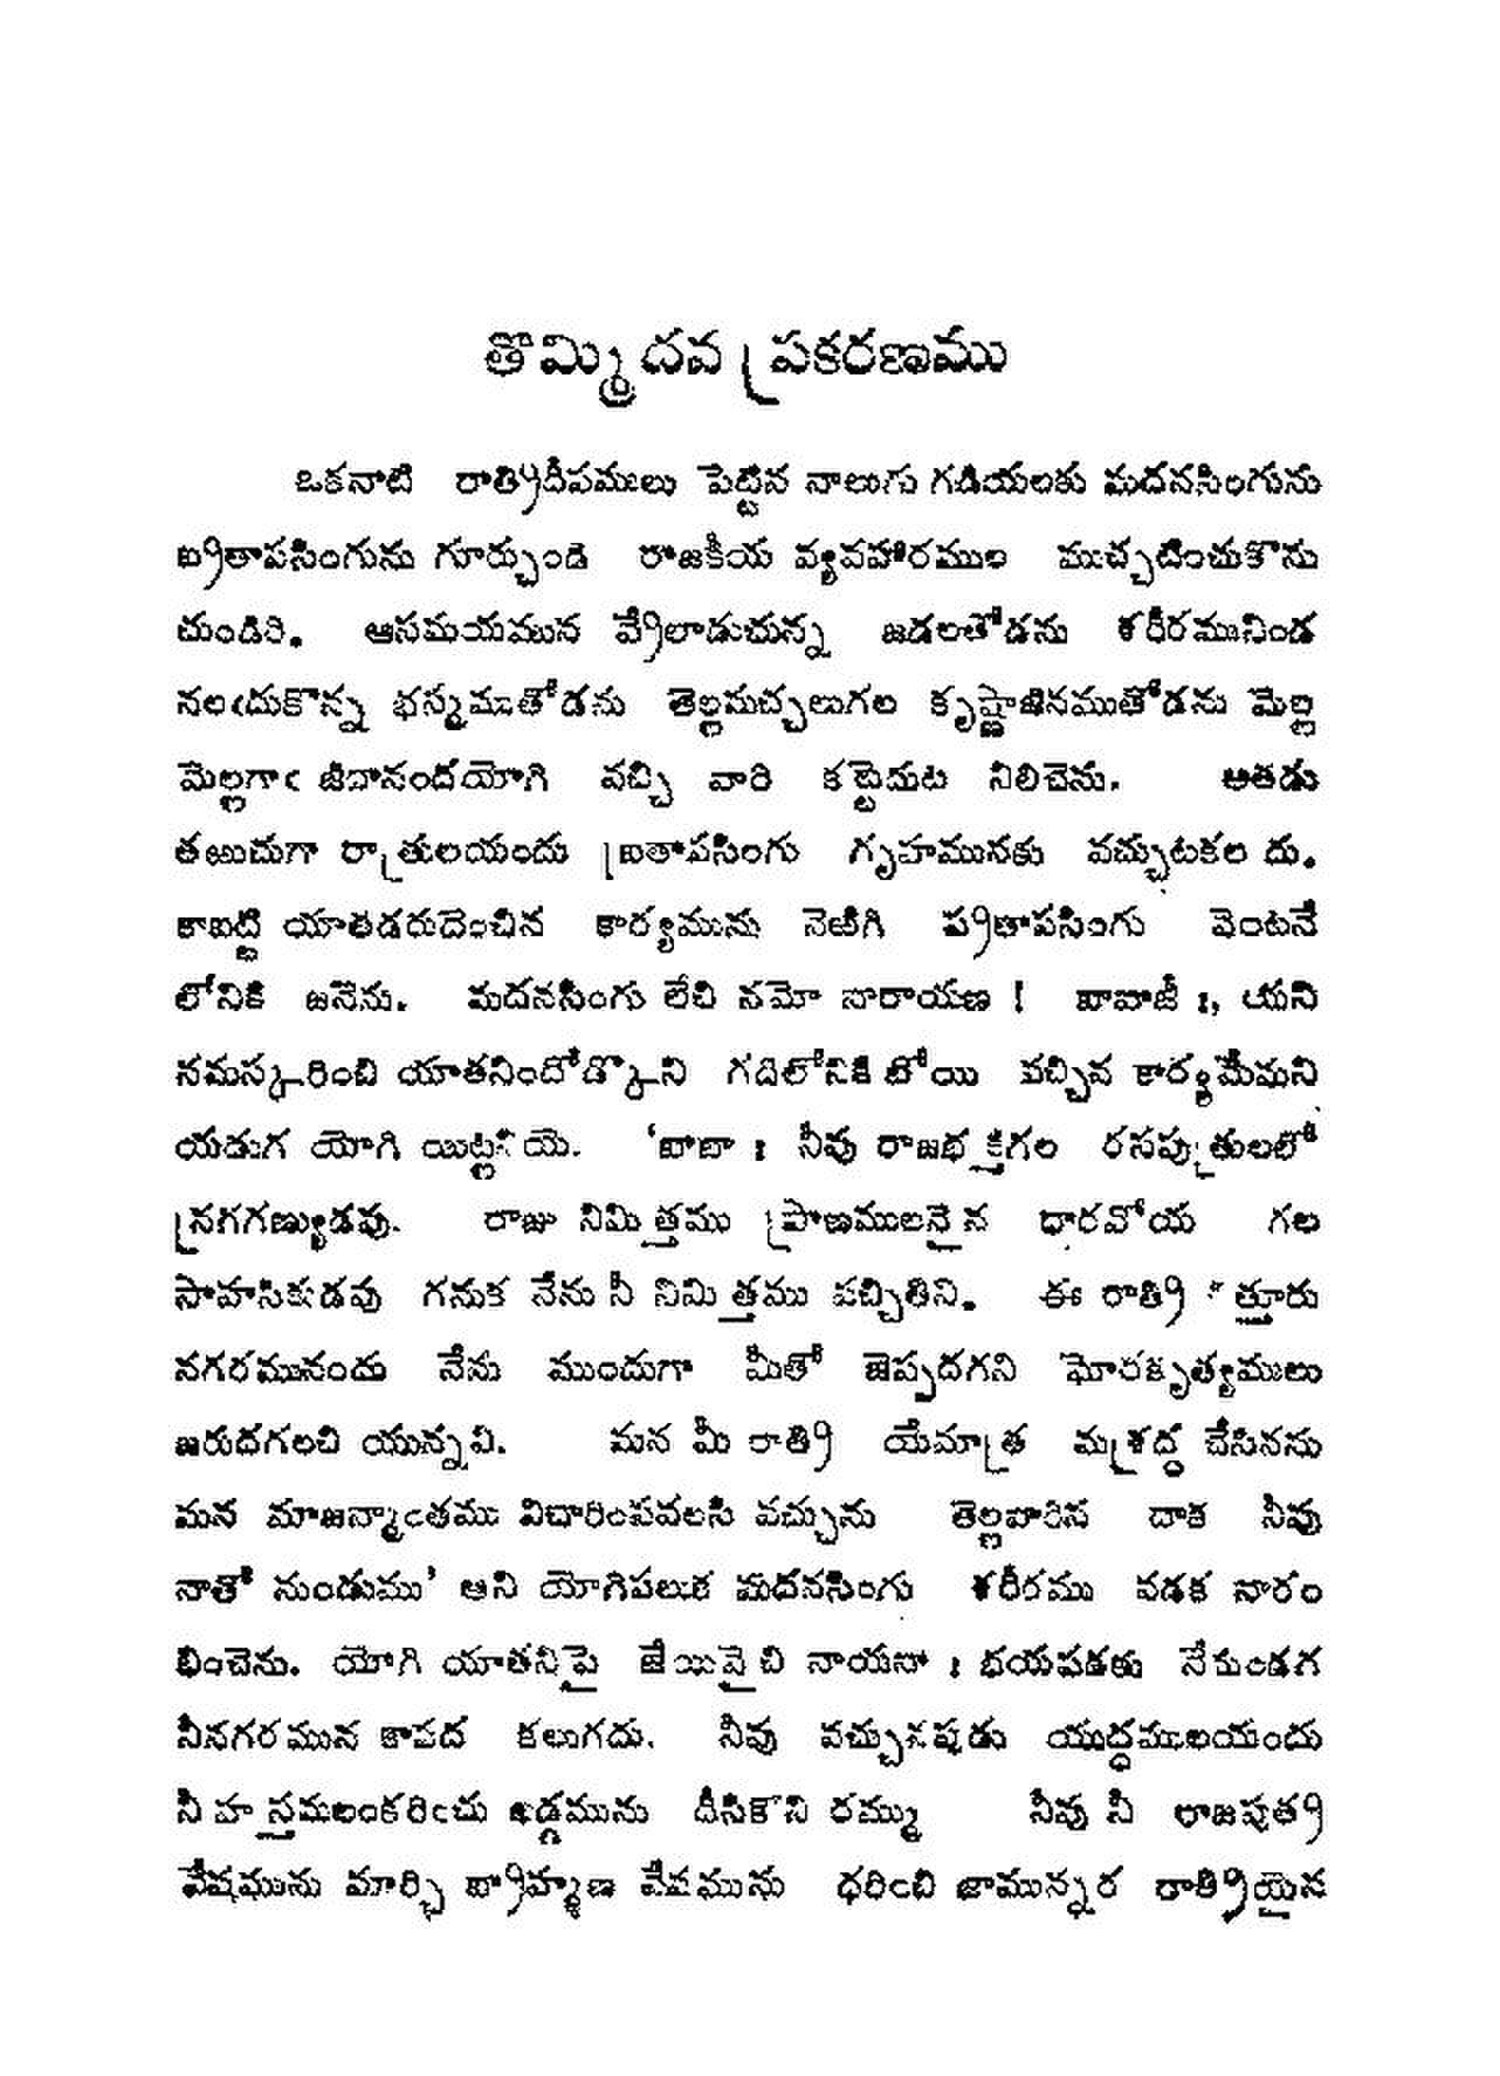ఒకనాటి రాత్రిదీపములు పెట్టిన నాలుగు గడియలకు మదనసింగును బ్రతాపసింగును గూర్చుండి రాజకీయ వ్యవహారములు ముచ్చటించుకొనుచుండిరి. ఆసమయమున వ్రేలాడుచున్న జడలతోడను శరీరము నిండ నలఁదుకొన్న భస్మముతోడను తెల్లమచ్చలుగల కృష్ణాజినముతోడను మెల్ల మెల్లగాఁ జిదానందయోగి వచ్చి వారి కట్టెదుట నిలిచెను. అతడు తఱచుగా రాత్రులయందు బ్రతాపసింగు గృహమునకు వచ్చుట కలదు. కాబట్టి యాతడరుదెంచిన కార్యమును నెఱిగి ప్రతాపసింగు వెంటనే లోనికి జనెను. మదనసింగు లేచి నమోనారాయణ! బావాజీ! యని సమస్కరించి యాతనిం దోడ్కొని గదిలోనికిబోయి వచ్చిన కార్యమేమని యడుగ యోగి యిట్లనియె ‘రాజా! నీవు రాజభక్తిగల రసపుత్రులలో నగ్రగణ్యుడవు. రాజు నిమిత్తము ప్రాణములనైన ధారపోయ గల సాహసికుడవు. గనుక నేను నీ నిమిత్తము వచ్చితిని. ఈ రాత్రి చిత్తూరునగరమునందు నేను ముందుగా మీతో చెప్పదగని ఘోరకృత్యములు జరుగదలచి యున్నవి. మన మీరాత్రి యేమాత్ర మశ్రద్ధ చేసినను మన మాజన్మాంతము విచారింపవలసి వచ్చును. తెల్లవారిన దాక నీవు నాతో నుండుము’ అని యోగి పలుక మదనసింగు శరీరము వడక నారంభించెను. యోగి యాతనిపై జేయివైచి నాయనా! భయపడకు నేనుండగ నీనగరమున కాపద కలుగదు. నీవు వచ్చునపుడు యుద్ధములయందు నీహస్తమలంకరించు ఖడ్గమును దీసికొని రమ్ము. నిన్ను నీ రాజపుత్రవేషమును మార్చి బ్రాహ్మణ వేషమును ధరించి జామున్నర రాత్రియైన